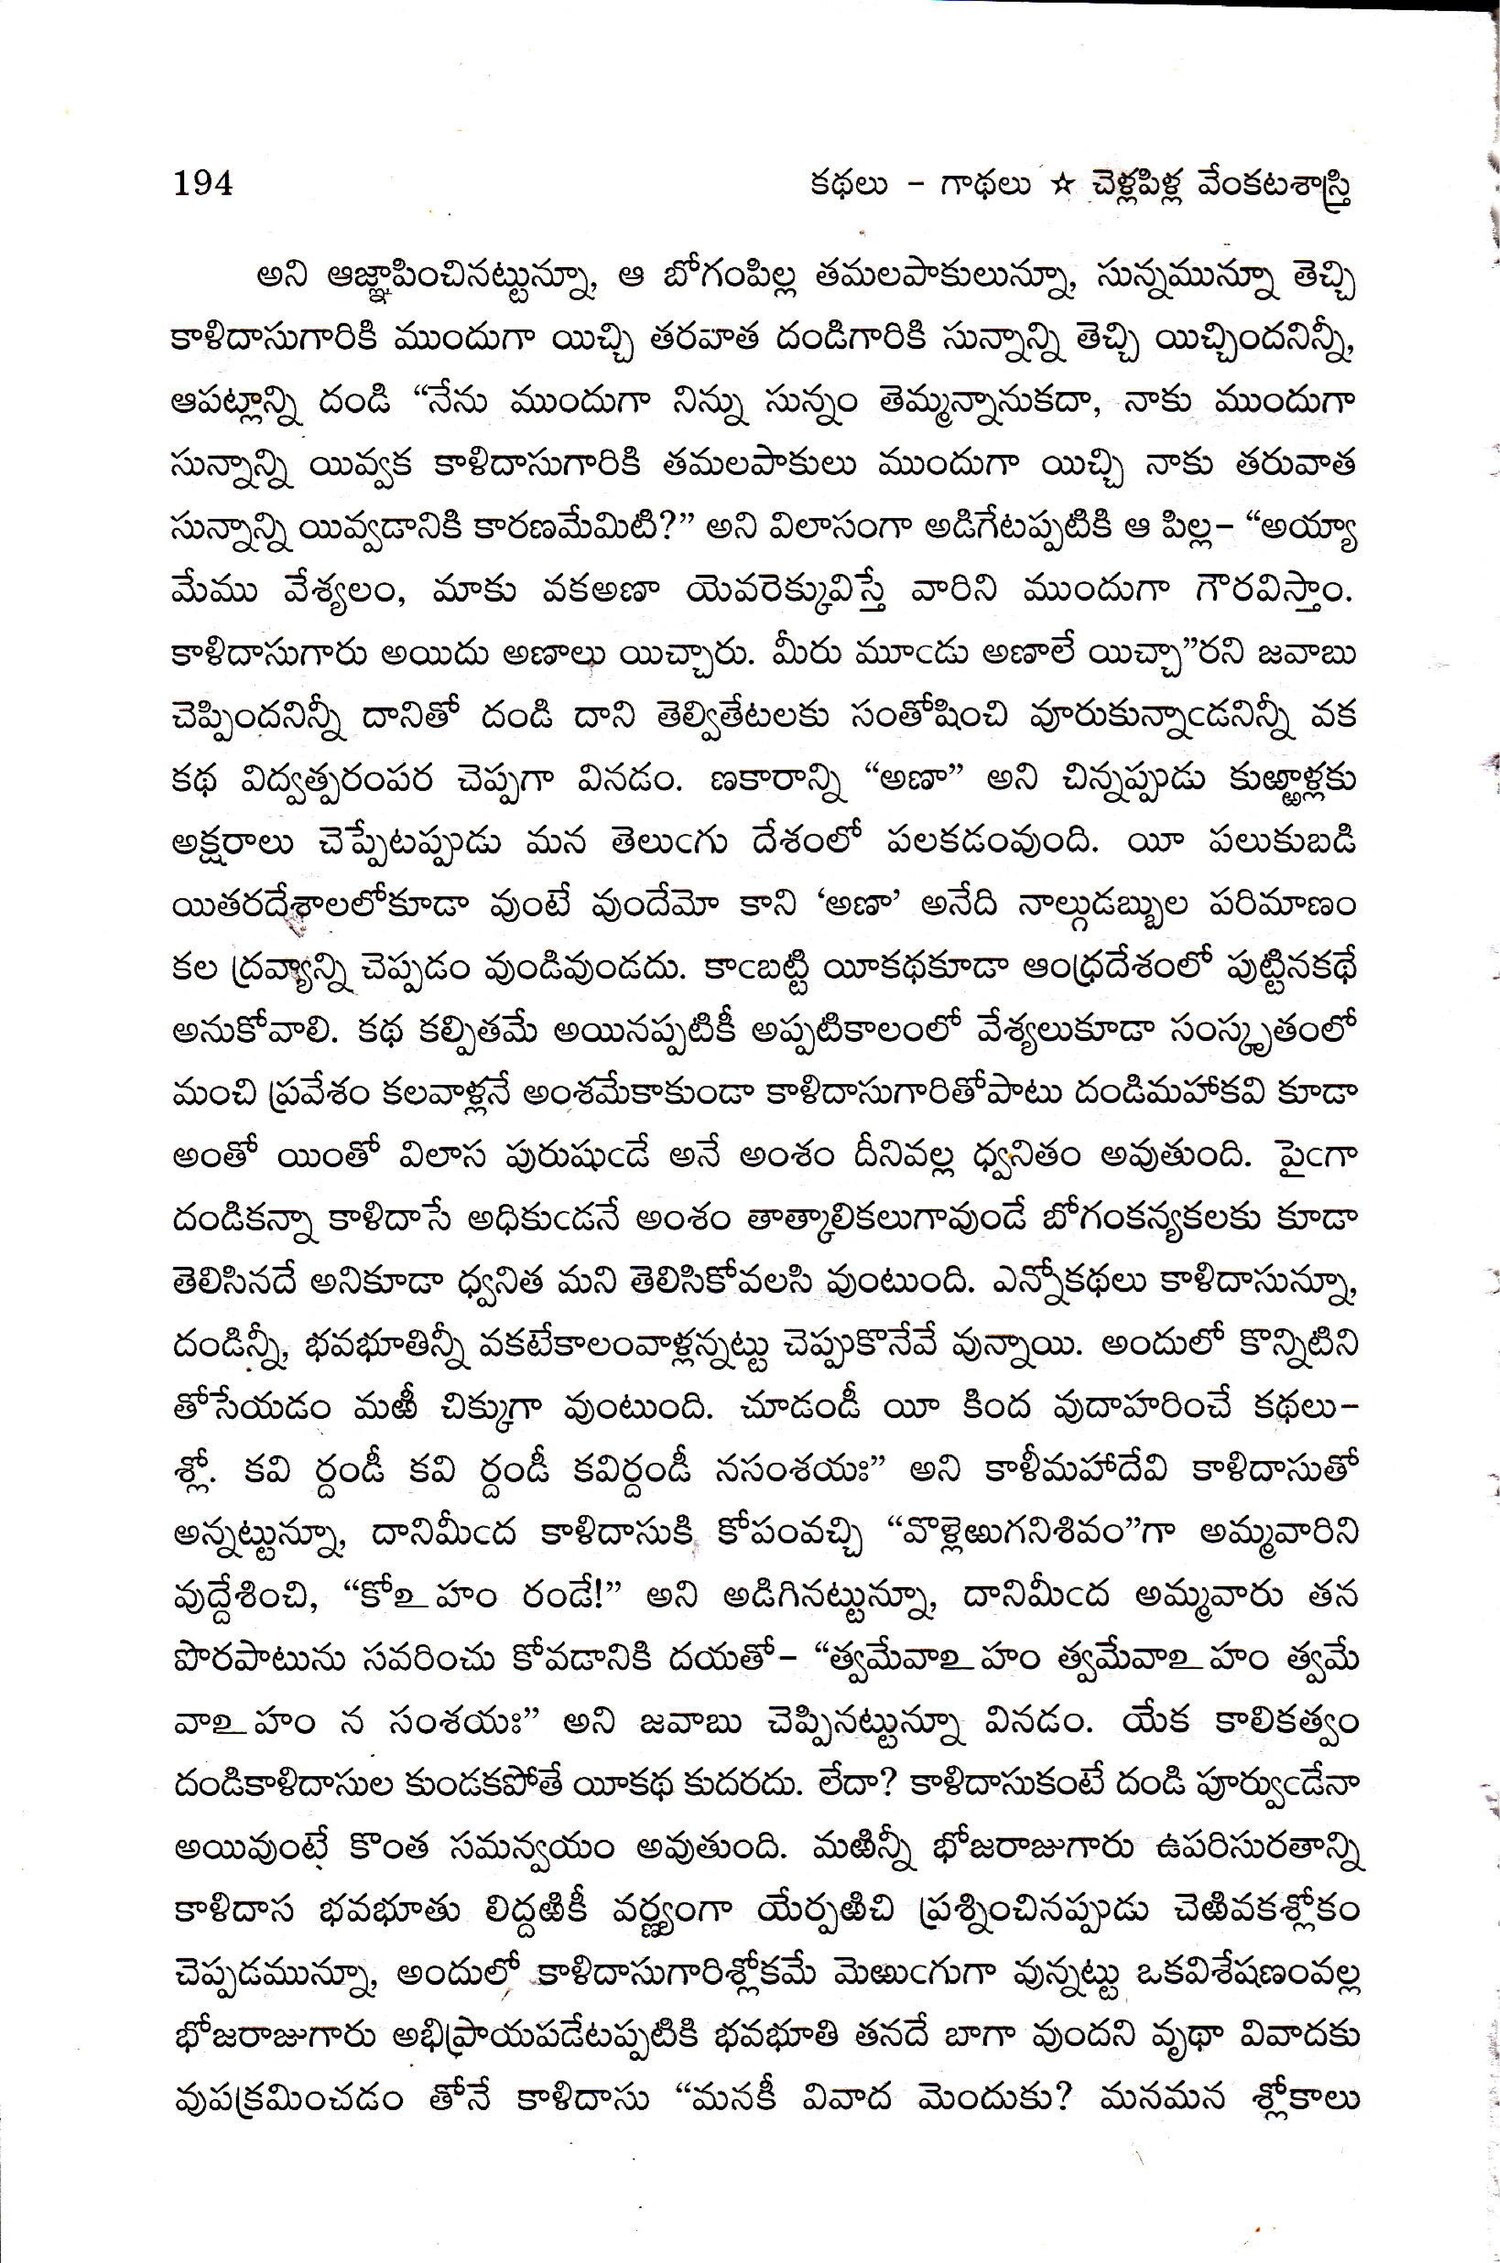అని ఆజ్ఞాపించినట్టున్నూ, ఆ బోగంపిల్ల తమలపాకులున్నూ, సున్నమున్నూ తెచ్చి కాళిదాసుగారికి ముందుగా యిచ్చి తరవాత దండిగారికి సున్నాన్ని తెచ్చి యిచ్చిందనిన్నీ ఆపట్లాన్ని దండి "నేను ముందుగా నిన్ను సున్నం తెమ్మన్నానుకదా, నాకు ముందుగా సున్నాన్ని' యివ్వక కాళిదాసుగారికి తమలపాకులు ముందుగా యిచ్చి నాకు తరువాత సున్నాన్ని యివ్వడానికి కారణమేమిటి?" అని విలాసంగా అడిగేటప్పటికి ఆ పిల్ల- “అయ్యా మేము వేశ్యలం, మాకు వకఅణా యెవరెక్కువిస్తే వారిని ముందుగా గౌరవిస్తాం. కాళిదాసుగారు అయిదు అణాలు యిచ్చారు. మీరు మూఁడు అణాలే యిచ్చా"రని జవాబు చెప్పిందనిన్నీ దానితో దండి దాని తెల్వితేటలకు సంతోషించి వూరుకున్నాఁడనిన్నీ వకకథ విద్వత్పరంపర చెప్పగా వినడం. ణకారాన్ని “అణా" అని చిన్నప్పుడు కుఱ్ఱాళ్లకు అక్షరాలు చెప్పేటప్పుడు మన తెలుఁగు దేశంలో పలకడంవుంది. యీ పలుకుబడి యితరదేశాలలోకూడా వుంటే వందేమో కాని 'అణా' అనేది నాల్గుడబ్బుల పరిమాణం కల ద్రవ్యాన్ని చెప్పడం వుండివుండదు. కాఁబట్టి యీకథకూడా ఆంధ్రదేశంలో పుట్టినకథే అనుకోవాలి. కథ కల్పితమే అయినప్పటికీ అప్పటికాలంలో వేశ్యలుకూడా సంస్కృతంలో మంచి ప్రవేశం కలవాళ్లనే అంశమేకాకుండా కాళిదాసుగారితోపాటు దండిమహాకవి కూడా అంతో యింతో విలాస పురుషుఁడే అనే అంశం దీనివల్ల ధ్వనితం అవుతుంది. పైఁగా దండికన్నా కాళిదాసే అధికుఁడనే అంశం తాత్కాలికలుగావుండే బోగంకన్యకలకు కూడా తెలిసినదే అనికూడా ధ్వనిత మని తెలిసికోవలసి వుంటుంది. ఎన్నోకథలు కాళిదాసున్నూ, దండిన్నీ భవభూతిన్నీ వకటేకాలంవాళ్లన్నట్టు చెప్పుకొనేవే వున్నాయి. అందులో కొన్నిటిని తోసేయడం మఱీ చిక్కుగా వుంటుంది. చూడండీ యీ కింద వుదాహరించే కథలు-శ్లో కవి ర్దండీ కవి ర్దండీ కవిర్దండీ నసంశయః" అని కాళీమహాదేవి కాళిదాసుతో అన్నట్టున్నూ దానిమీఁద కాళిదాసుకి కోపంవచ్చి “వొళ్లెఱుగనిశివం"గా అమ్మవారిని వుద్దేశించి, "కో౽హం రండే!’ అని అడిగినట్టున్నూ, దానిమీఁద అమ్మవారు తన పొరపాటును సవరించు కోవడానికి దయతో- "త్వమేవా౽హం త్వమేవా౽హం త్వమేవా౽హం న సంశయః’ అని జవాబు చెప్పినట్టున్నూ వినడం. యేక కాలికత్వం దండికాళిదాసుల కుండకపోతే యీకథ కుదరదు. లేదా? కాళిదాసుకంటే దండి పూర్వుఁడేనా అయివుంటే కొంత సమన్వయం అవుతుంది. మఱిన్నీ భోజరాజుగారు ఉపరిసురతాన్ని కాళిదాస భవభూతు లిద్దఱికీ వర్ణ్యంగా యేర్పఱిచి ప్రశ్నించినప్పుడు చెఱివకశ్లోకం చెప్పడమున్నూ అందులో కాళిదాసుగారిశ్లోకమే మెఱుఁగుగా వున్నట్టు ఒకవిశేషణంవల్ల భోజరాజుగారు అభిప్రాయపడేటప్పటికి భవభూతి తనదే బాగా వుందని వృథా వివాదకు వుపక్రమించడం తోనే కాళిదాసు "మనకీ వివాద మెందుకు? మనమన శ్లోకాలు